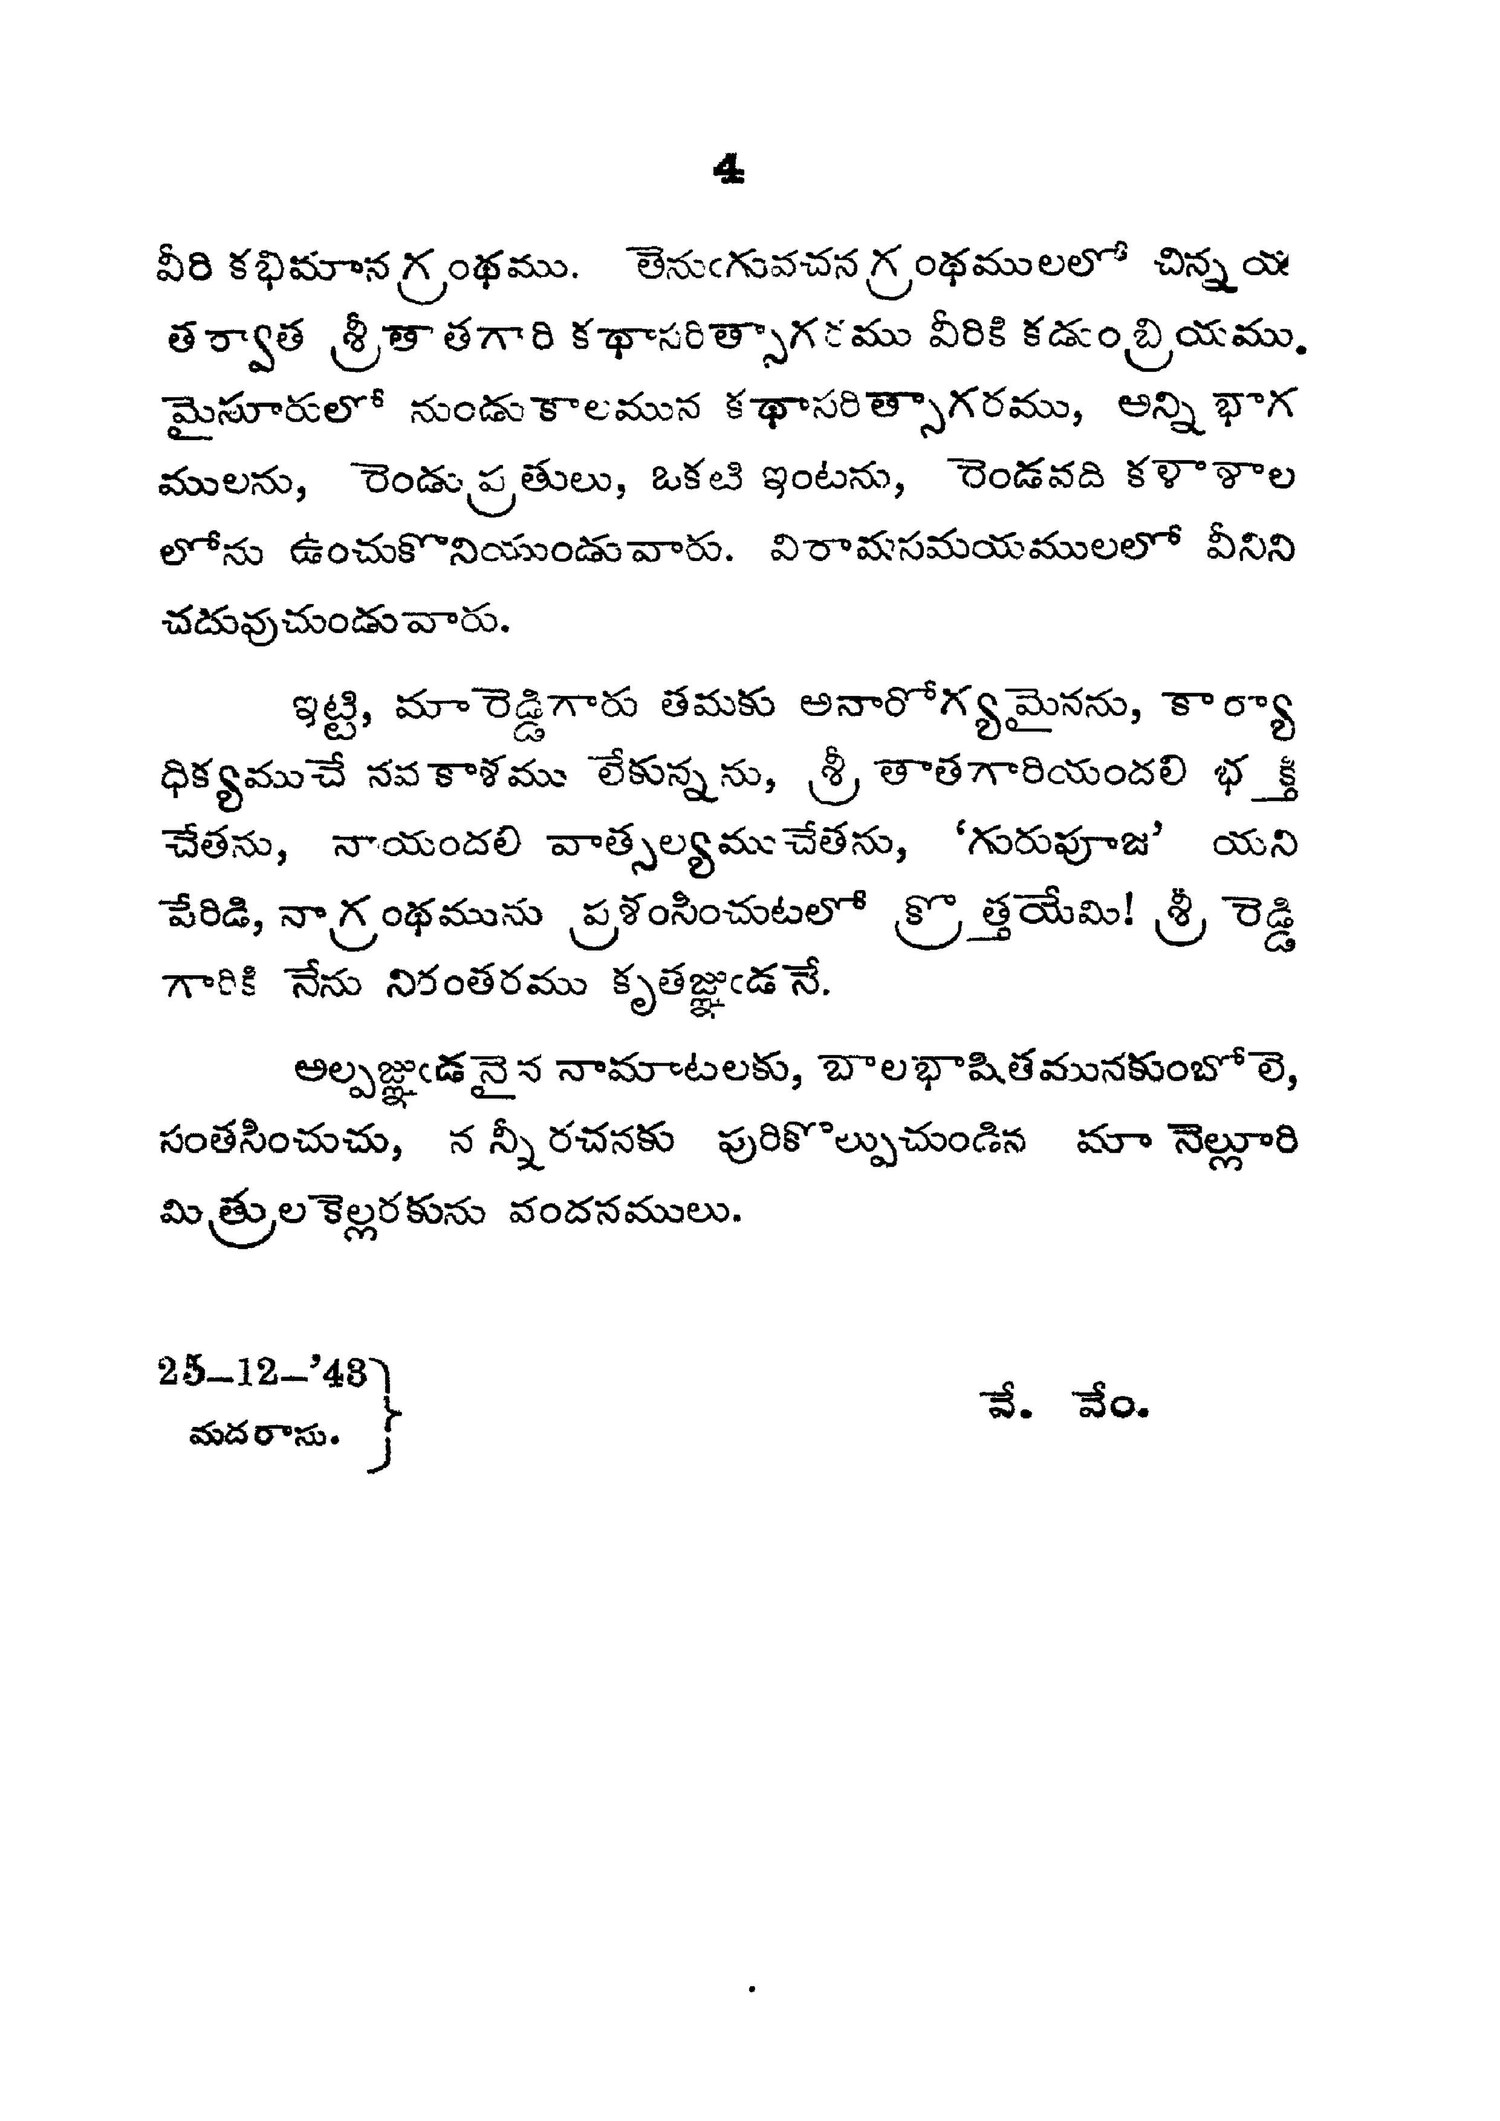వీరి కభిమానగ్రంథము. తెనుగువచనగ్రంథములలో చిన్నయ తర్వాత శ్రీతాతగారి కథాసరిత్సాగరము వీరికి కడుంబ్రియము. మైసూరులో నుండుకాలమున కథాసరిత్సాగరము, అన్ని భాగములను, రెండుప్రతులు, ఒకటి ఇంటను, రెండవది కళాశాలలోను ఉంచుకొనియుండువారు. విరామసమయములలో వీనిని చదువుచుండువారు.

ఇట్టి, మారెడ్డిగారు తమకు అనారోగ్యమైనను, కార్యాధిక్యముచే నవకాశము లేకున్నను, శ్రీ తాతగారియందలి భక్తి చేతను, నాయందలి వాత్సల్యముచేతను, 'గురుపూజ' యని పేరిడి, నాగ్రంథమును ప్రశంసించుటలో క్రొత్తయేమి! శ్రీ రెడ్డిగారికి నేను నిరంతరము కృతజ్ఞుడనే.

అల్పజ్ఞుడనైన నామాటలకు, బాలభాషితమునకుంబోలె, సంతసించుచు, నన్నీరచనకు పురికొల్పుచుండిన మా నెల్లూరి మిత్రులకెల్లరకును వందనములు.

వే.వేం.
25-12-43
మదరాసు.